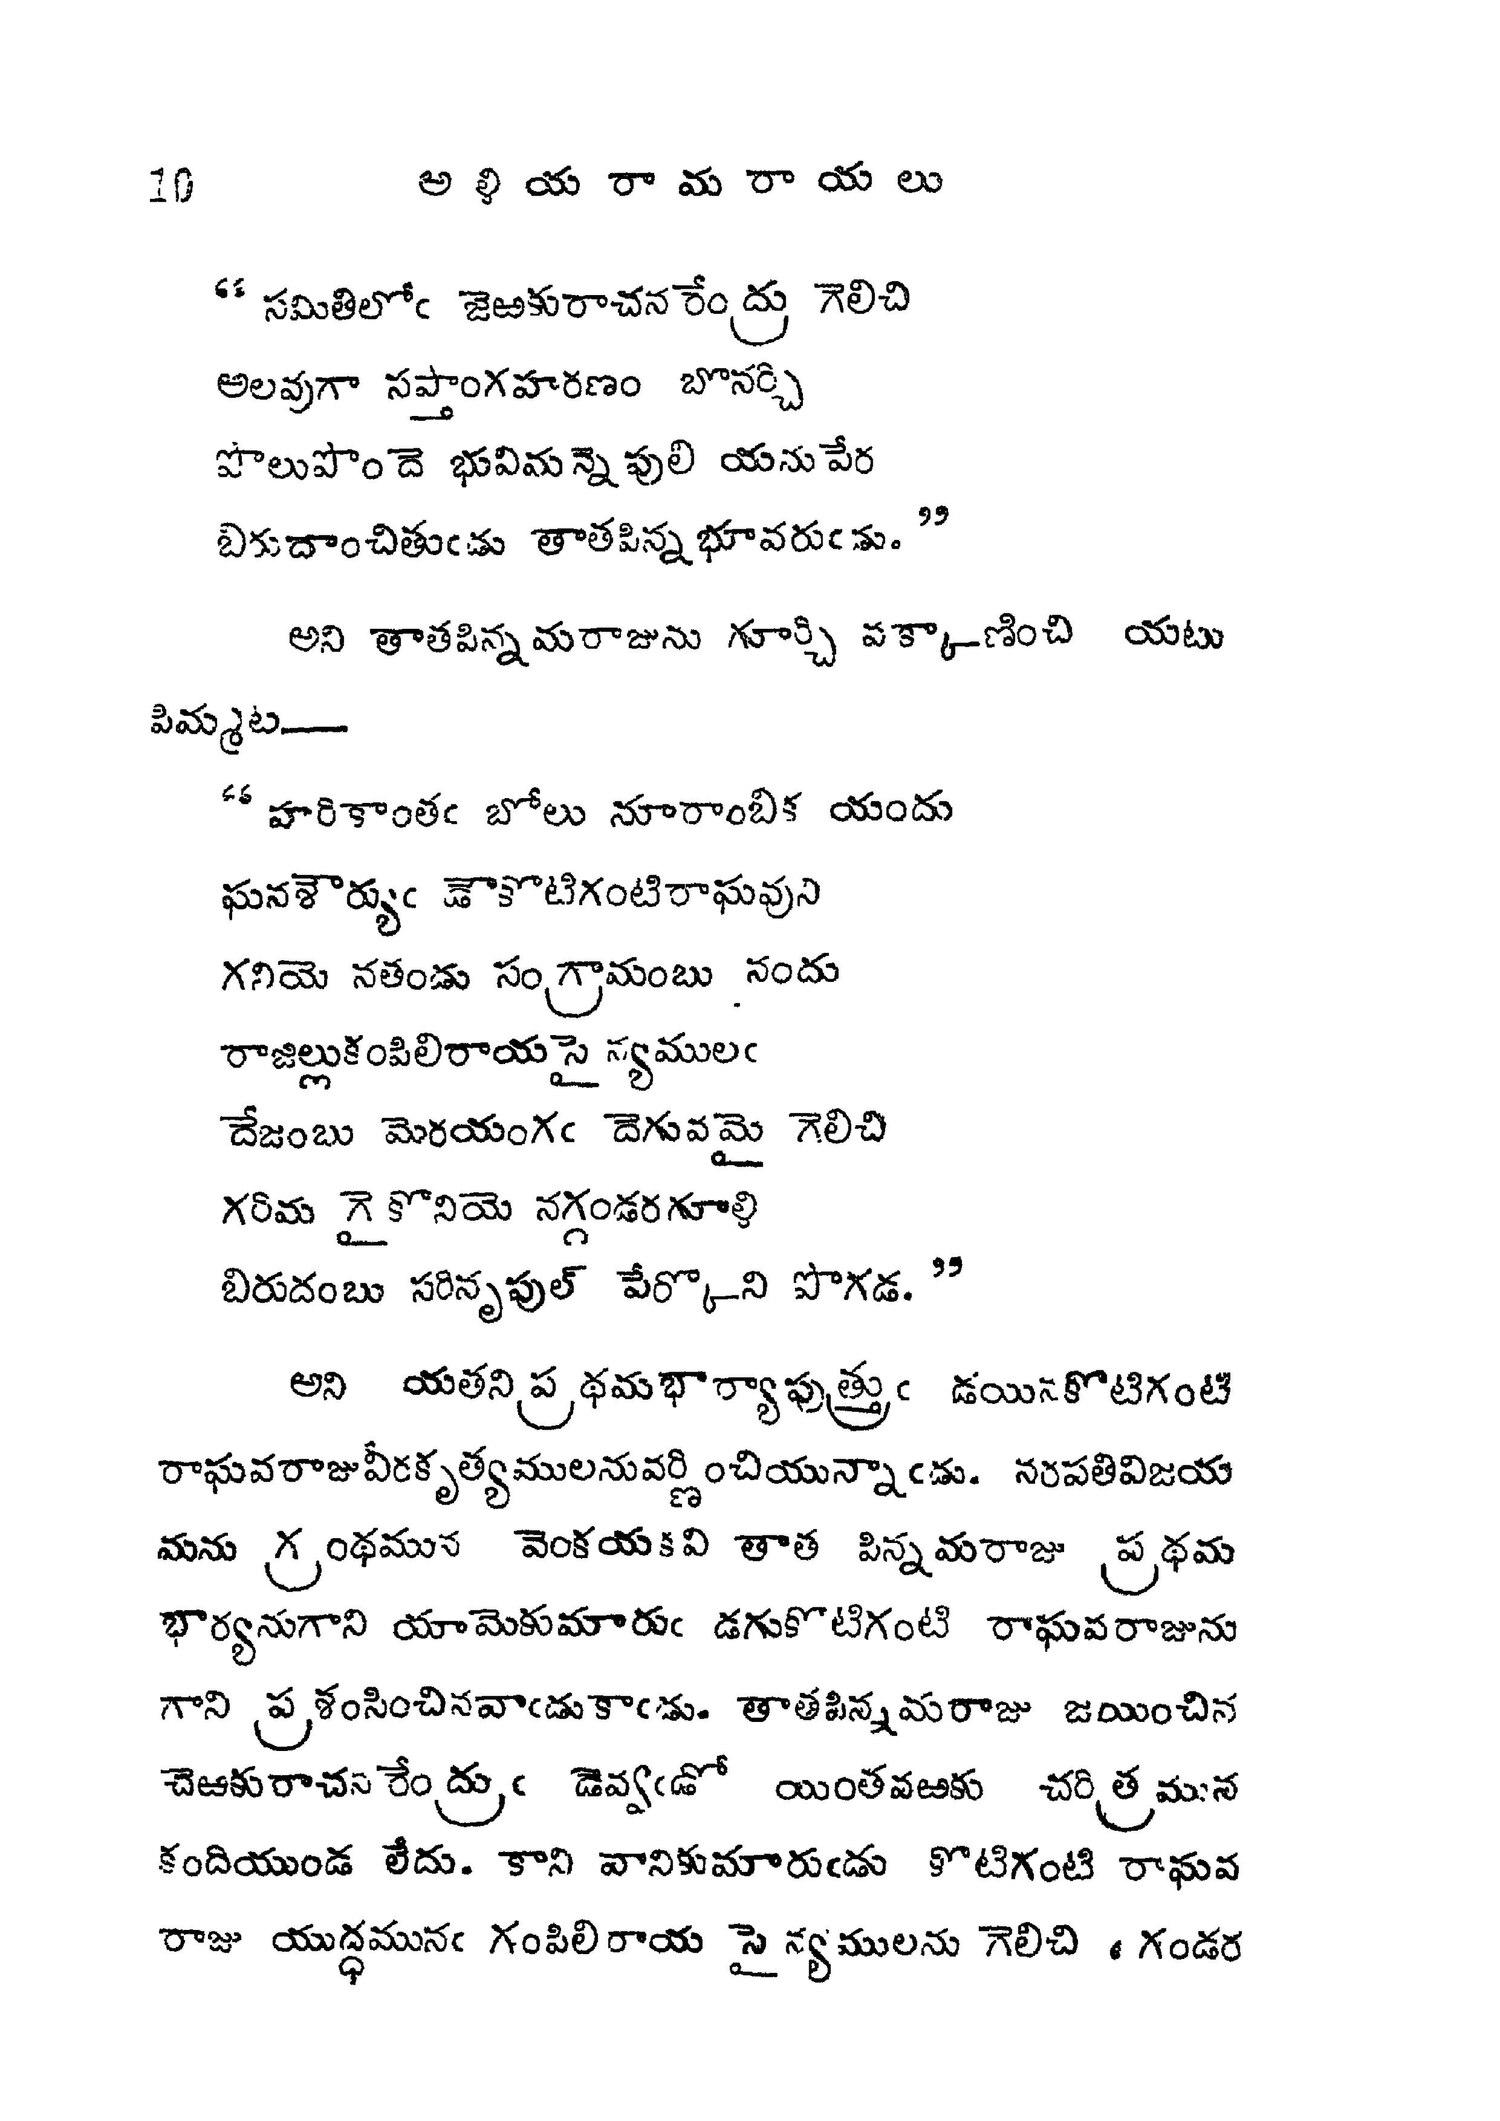"సమితిలో జెఱకురాచనరేంద్రు గెలిచి
 అలవుగా సప్తాంగహరణం బొనర్చి
 పొలుపొందె భువిమన్నెపులి యనుపేర
 బిరుదాంచితుడు తాతపిన్నభూవరుడు."

అని తాతపిన్నమరాజును గూర్చి వక్కాణించి యటు పిమ్మట -

 "హరికాంత బోలు నూరాంబిక యందు
 ఘనశౌర్యు డౌకొటిగంటిరాఘవుని
 గనియె నతండు సంగ్రామంబు నందు
 రాజిల్లుకంపిలిరాయసైన్యముల
 దేజంబు మెరయంగ దెగువమై గెలిచి
 గరిమ గైకొనియె నగ్గండరగూళి
 బిరుదంబు నరినృపుల్ పేర్కొని పొగడ."

అని యతని ప్రథమభార్యాపుత్త్రు డయిన కొటిగంటి రాఘవరాజు వీరకృత్యములను వర్ణించియున్నాడు. నరపతివిజయమను గ్రంథమున వెంకయకవి తాత పిన్నమరాజు ప్రథమ భార్యనుగాని యామెకుమారు డగుకొటిగంటి రాఘవరాజును గాని ప్రశంసించినవాడుకాడు. తాతపిన్నమరాజు జయించిన చెఱకురాచనరేంద్రు డెవ్వడో యింతవఱకు చరిత్రమున కందియుండ లేదు. కాని వానికుమారుడు కొటిగంటి రాఘవరాజు యుద్ధమున గంపిలిరాయ సైన్యములను గెలిచి గండర